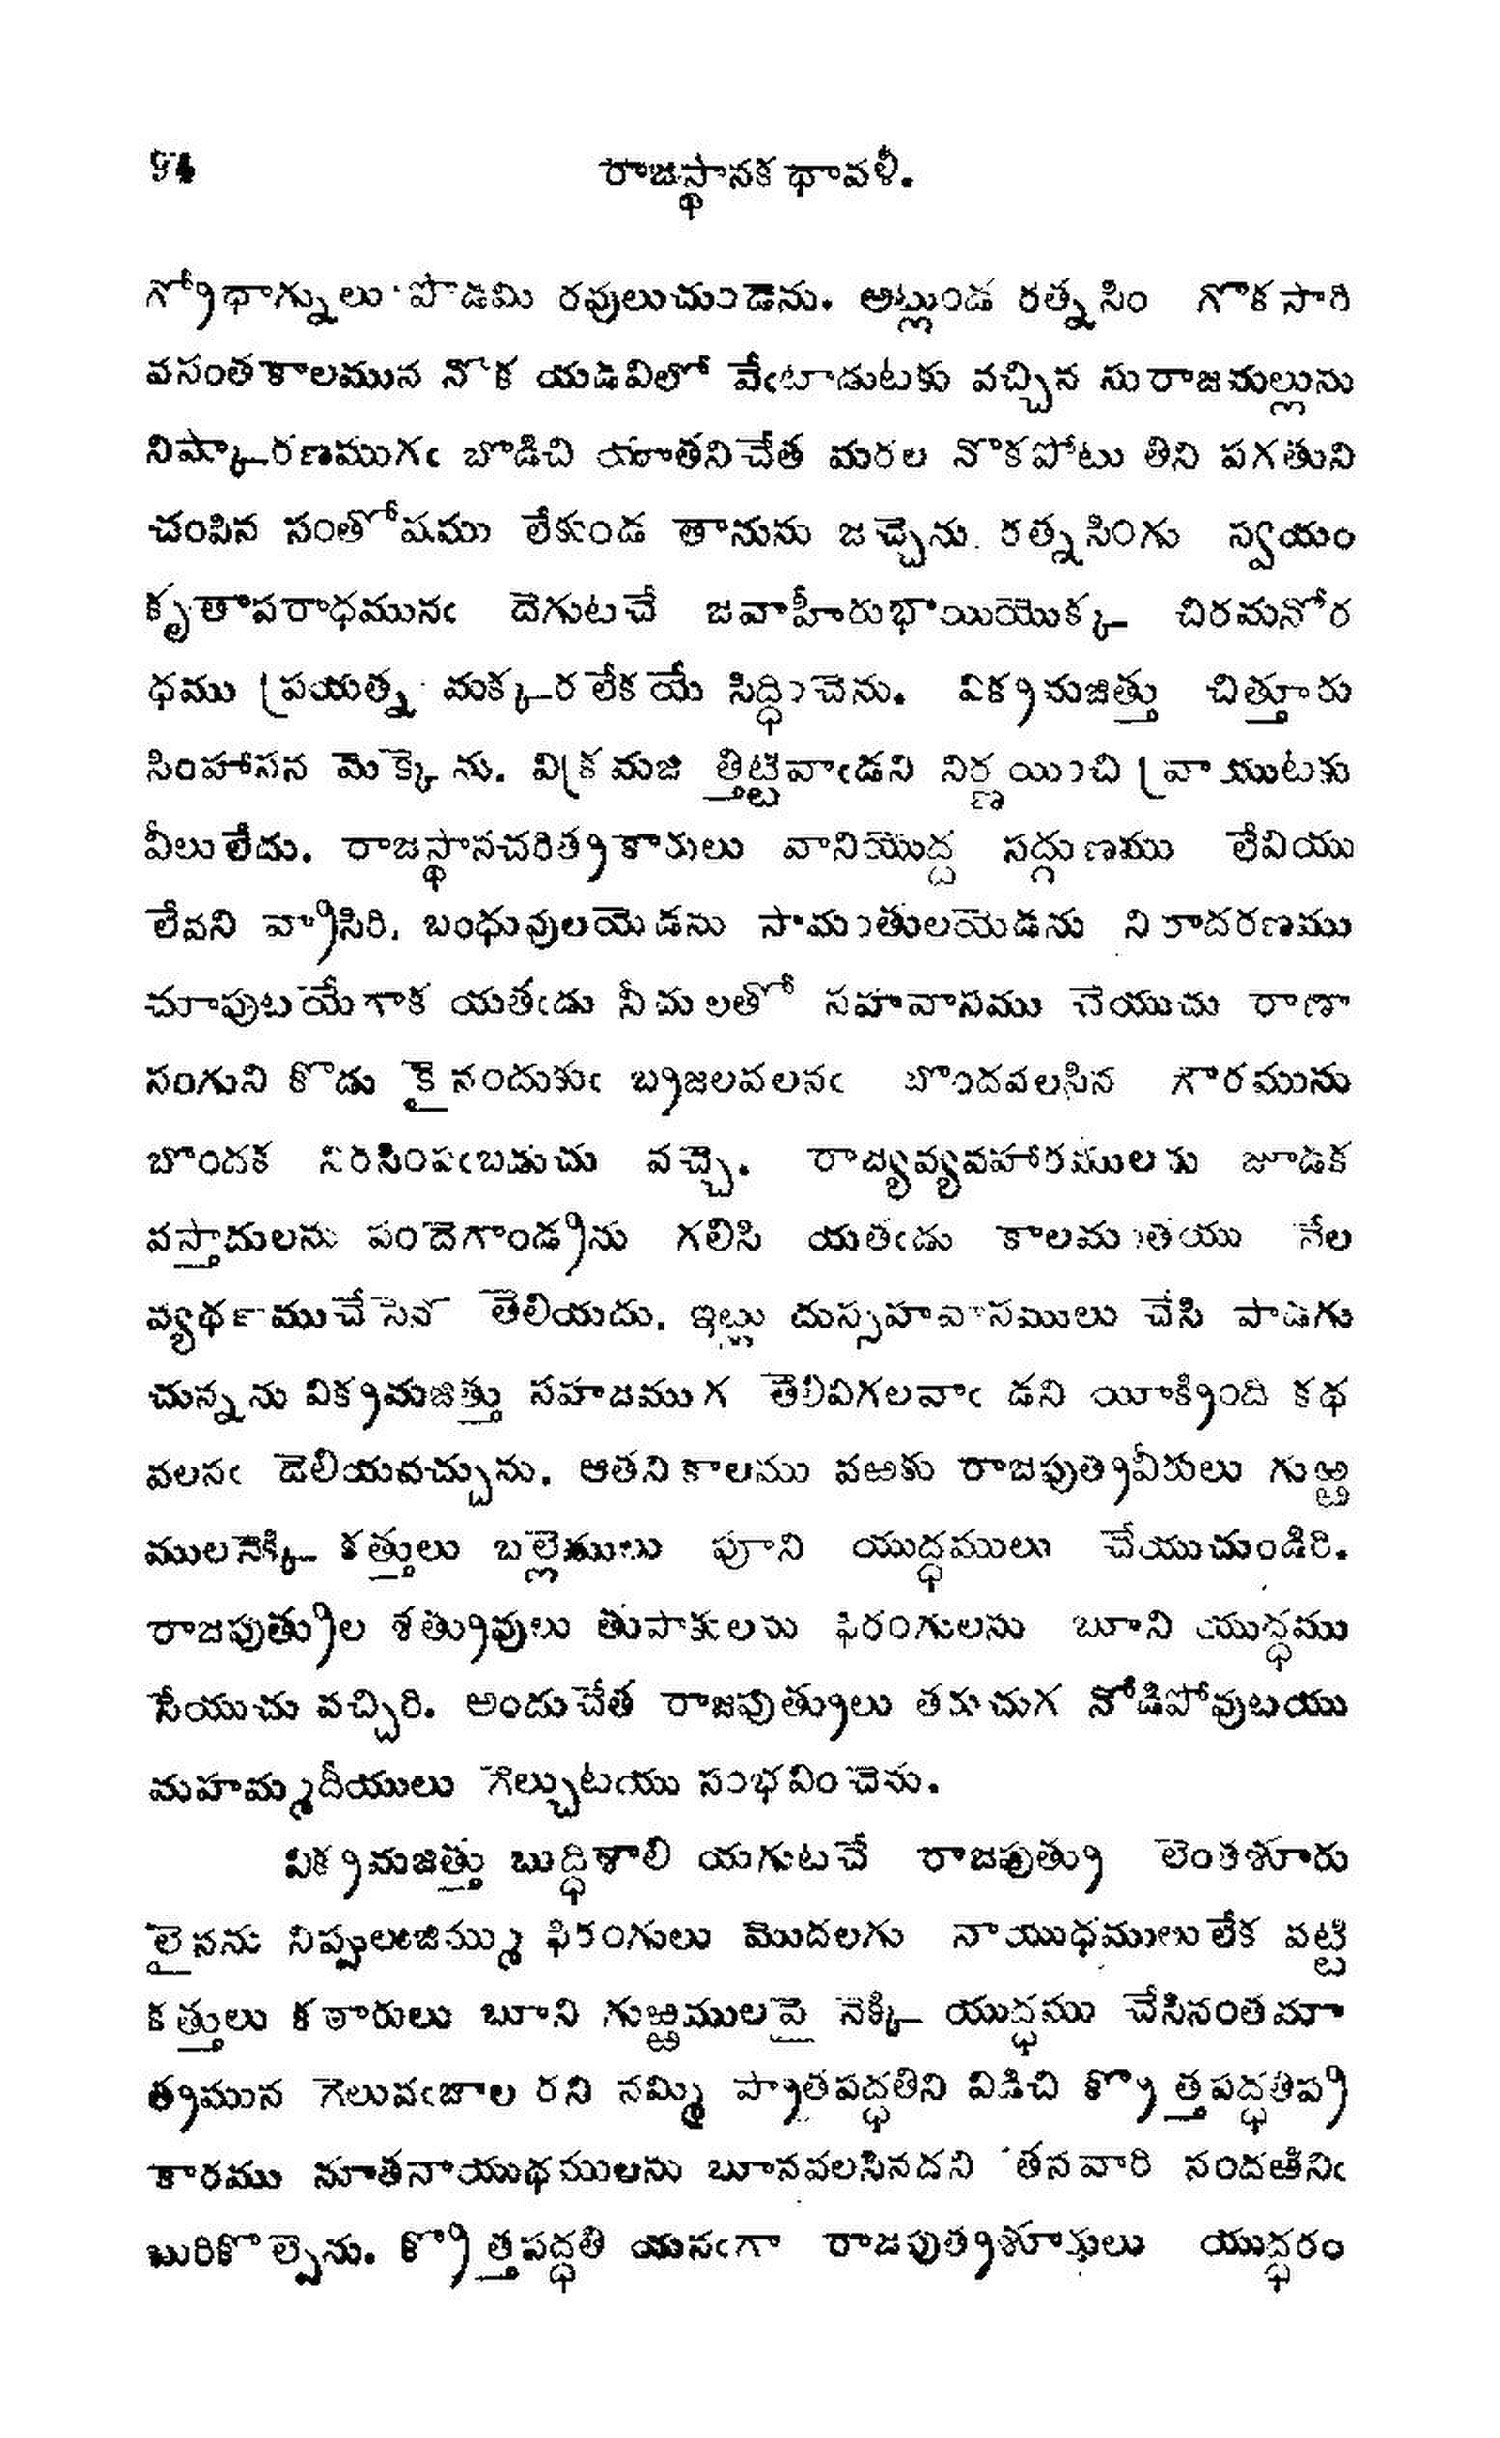గ్రోధాగ్నులు పొడమి రవులుచుండెను. అట్లుండ రత్నసింగొక సాగి వసంత కాలమున నొక యడివిలో వేఁటాడుటకు వచ్చిన సురాజమల్లును
నిష్కారణముగఁ బొడిచి యాతని చేత మరల నొకపోటు తిని పగతుని చంపిన సంతోషము లేకుండ తానును జచ్చెను. రత్న సింగు స్వయంకృతాపరాధమునఁ దెగుటచే జవాహీరుభాయియొక్క చిరమనోరధము ప్రయత్న మక్కర లేకయే సిద్ధించెను. విక్రమజిత్తు చిత్తూరు
సింహాసన మెక్కెను. విక్రమజి త్తిట్టివాఁడని నిర్ణయించి వ్రాయుటకు వీలు లేదు. రాజస్థానచరిత్ర కారులు వాని యోద్ధ సద్గుణము లేవియు
లేవని వ్రాసిరి, బంధువులయెడను సామంతులయెడను నిరాదరణము చూపుటయే గాక యతఁడు నీచులతో సహవాసము చేయుచు రాణా
సంగుని కొడు కైనందుకుఁ బ్రజలవలనఁ బొందవలసిన గౌరమును బొందక నిరసింపఁబడుచు వచ్చె. రాజ్య వ్యవహారములను జూడక
వస్తాదులను పందెగాండ్రను గలిసి యతఁడు కాలమంతయు 'నేల వ్యథ౯ము చేసినో తెలియదు. ఇట్లు దుస్సహవాసములు చేసి పాడగు
చున్నను విక్రమజిత్తు సహజముగ తెలివిగలవాఁ డని యీక్రింది కథ వలనఁ దెలియవచ్చును. ఆతని కాలము వఱకు రాజపుత్ర వీరులు గుఱ్ఱ
ముల నెక్కి- కత్తులు బల్లెములు పూని యుద్ధములు చేయుచుండిరి. రాజపుత్రుల శత్రువులు తుపాకులను ఫిరంగులను బూని
యుద్ధము సేయుచు వచ్చిరి. అందుచేత రాజపుత్రులు తరుచుగ నోడిపోవుటయు మహమ్మదీయులు గెల్చుటయు సంభవించెను.

విక్రమజిత్తు బుద్ధిశాలి యగుటచే రాజపుత్రు లెంతశూరులైనను నిప్పులఁ జిమ్ము ఫిరంగులు మొదలగు నాయుధములు లేక వట్టి కత్తులు కఠారులు బూని గుఱ్ఱముల పై నెక్కి యుద్ధము చేసినంత మాత్రమున గెలువఁజాల రని నమ్మి ప్రాత పద్ధతిని విడిచి క్రోత్త పద్ధతిప్రకారము నూతనాయుథములను బూనవలసినదని 'తన వారి నందఱిని బురికోల్పెను. క్రోత్త పద్ధతి యనఁగా రాజపుత్రశూరులు యుద్ధరం